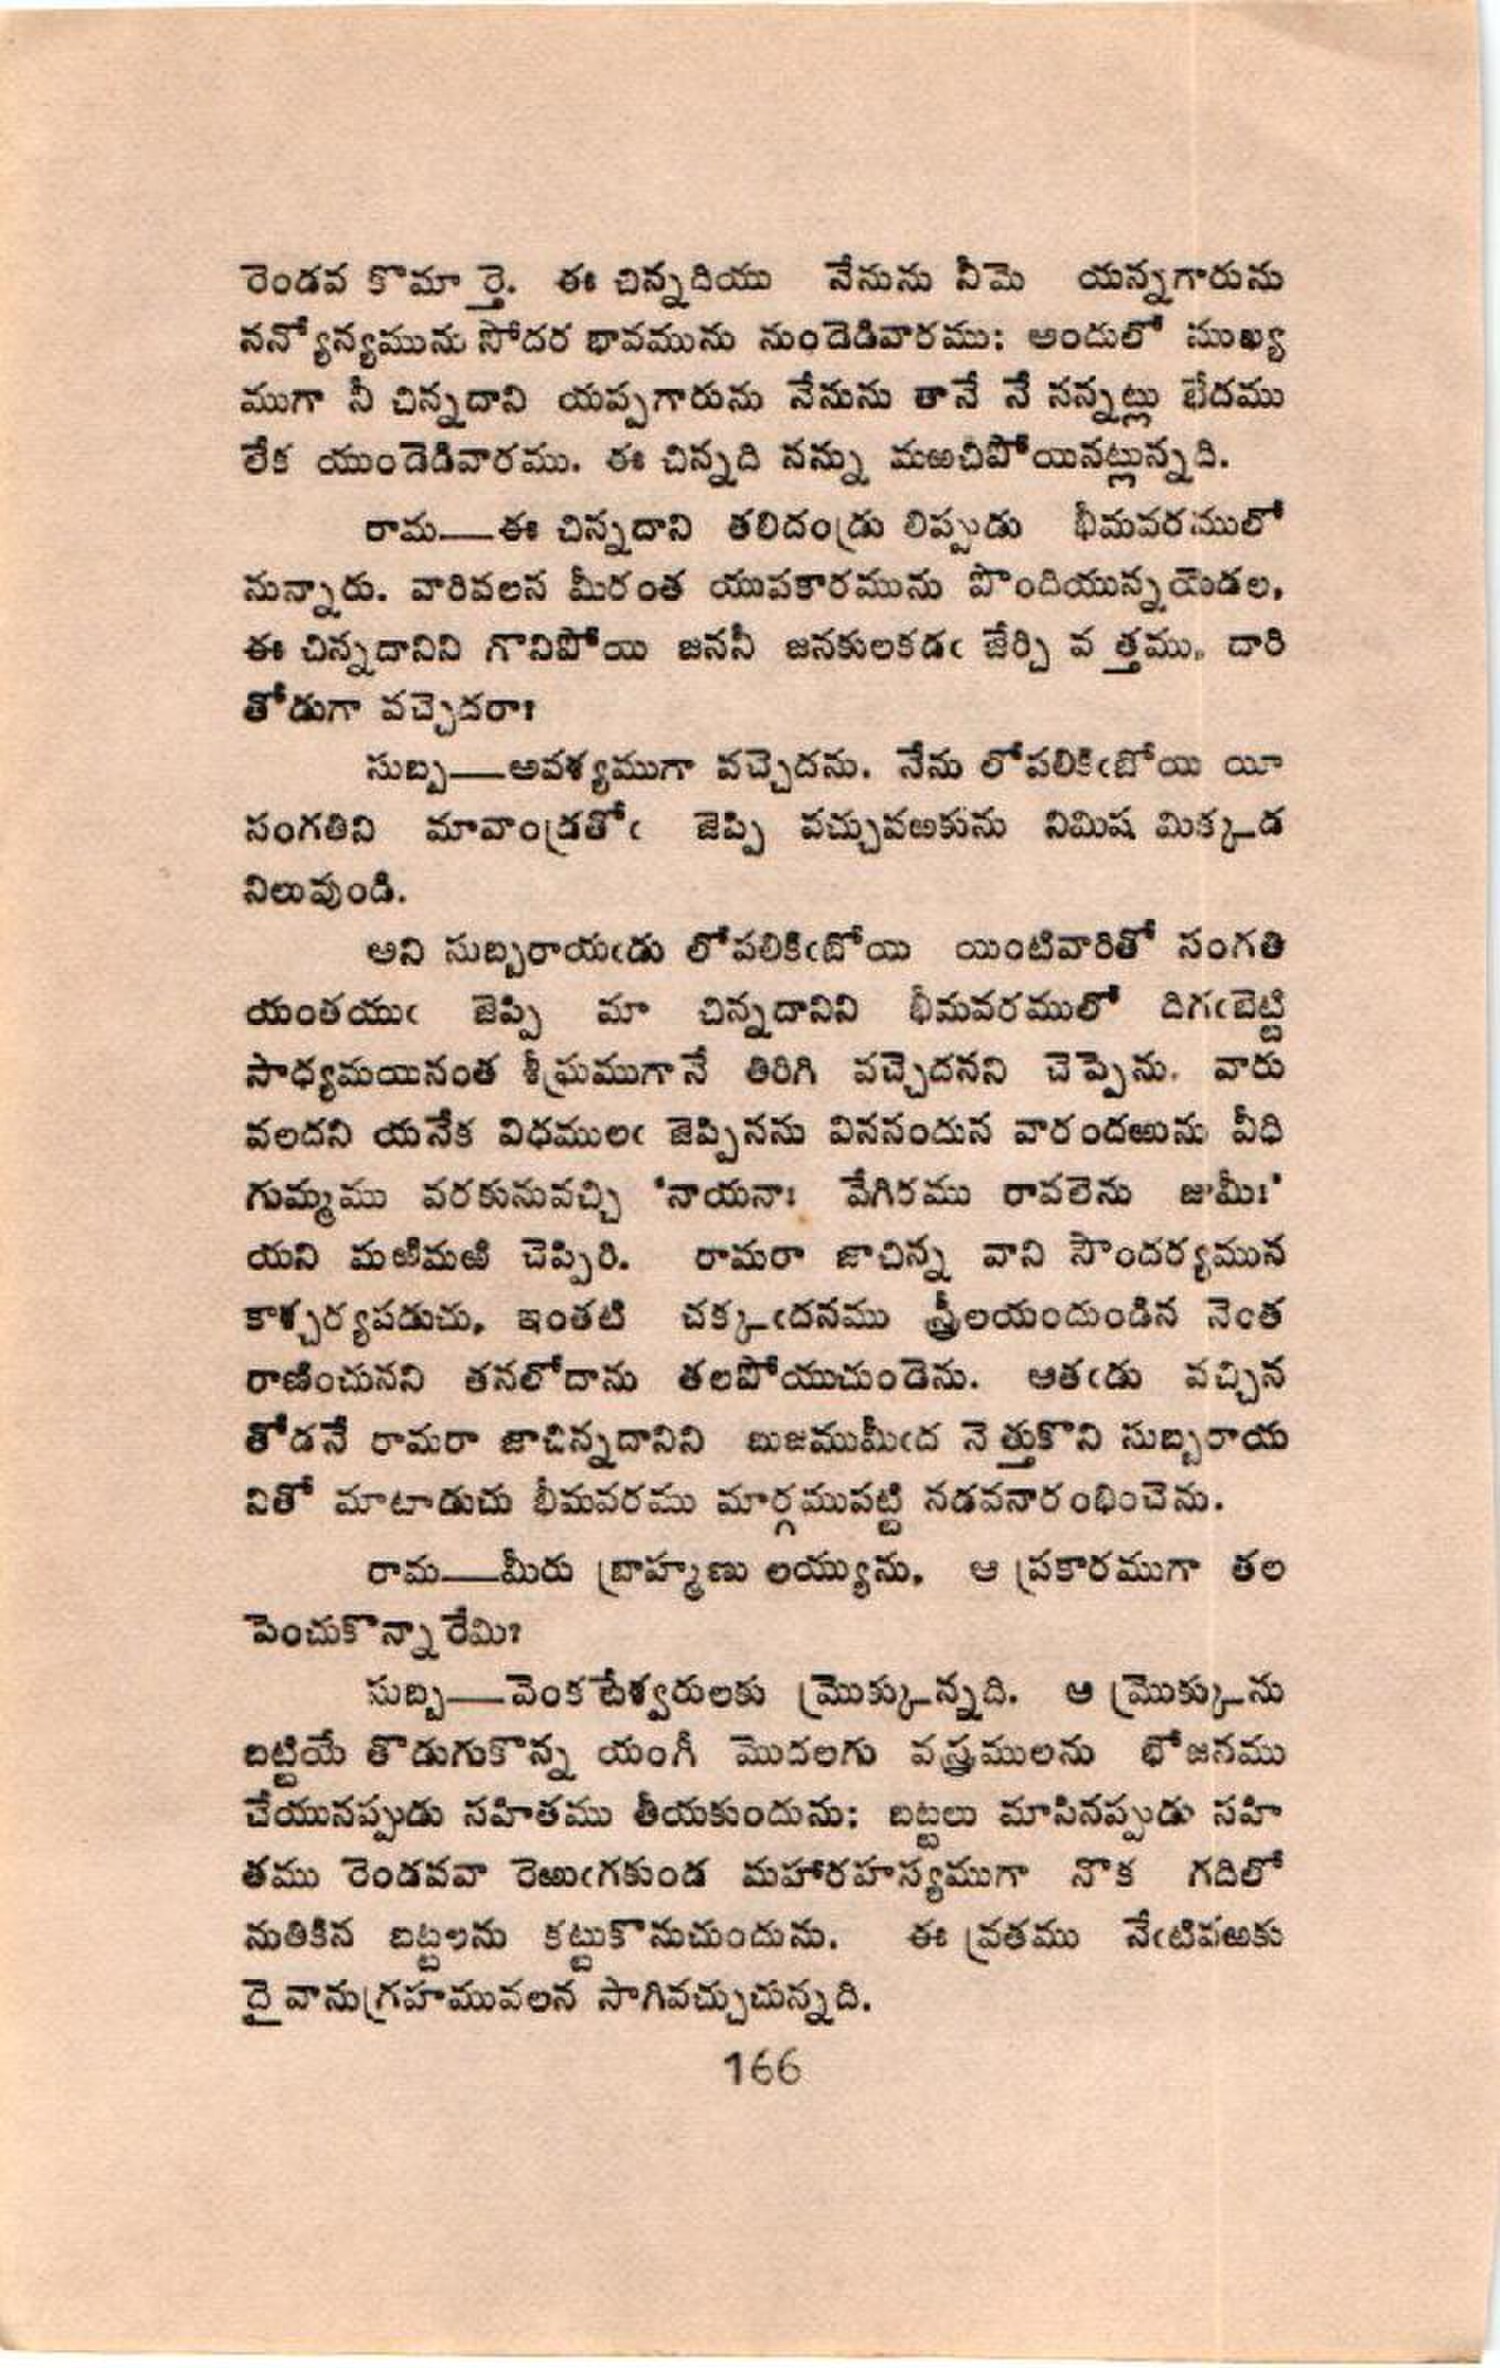రెండవ కొమార్తె. ఈ చిన్నదియు నేనును నీమె యన్నగారును నన్యోన్యమును సోదర భావమును నుండెడివారము: అందులో ముఖ్య ముగా నీ చిన్నదాని యప్పగారును నేనును తానే నే నన్నట్లు భేదము లేక యుండెడివారము. ఈ చిన్నది నన్ను మఱచిపోయినట్లున్నది.

రామ__ఈ చిన్నదాని తలిదండ్రు లిప్పుడు భీమవరములో నున్నారు. వారివలన మీరంత యుపకారమును పొందియున్నయెడల, ఈ చిన్నదానిని గొనిపోయి జననీ జనకులకడఁ జేర్చి వత్తము, దారి తోడుగా వచ్చెదరా?

సుబ్ర__ఆవశ్యముగా వచ్చెదను. నేను లోపలికిఁబోయి యీ సంగతిని మా
వాండ్రతోఁ జెప్పి వచ్చువఱకును నిమిష మిక్కడ నిలువుండి.

ఆని సుబ్బరాయఁడు లోపలికిఁబోయి యింటివారితో సంగతి యంతయుఁ జెప్పి మా చిన్నదానిని భీమవరములో దిగబెట్టి సాధ్యమయినంత శీఘ్రముగానే తిరిగి వచ్చెదనని చెప్పెను. వారు వలదని యనేక విధములఁ జెప్పినను విననందున వారందఱును వీధి గుమ్మము వరకును వచ్చి 'నాయనా! వేగిరము రావలెను జుమీ!' యని మఱిమఱి చెప్పిరి. రామరాజాచిన్న వాని సౌందర్యమున కాశ్చ 
ర్యపడుచు, ఇంతటి చక్కదనము స్త్రీలయందుండిన నెంత రాణించునని తనలోదాను తలపోయుచుండెను. అతఁడు వచ్చిన తోడనే రామరా జాచిన్నదానిని బుజముమీఁద నెత్తుకొని సుబ్బరాయ నితో మాటాడుచు భీమవరము మార్గముపట్టి నడవనారంభించెను.

రామ__మీరు బ్రాహ్మణు లయ్యును, ఆ ప్రకారముగా తల పెంచుకొన్నారేమి?

సుబ్బ__వెంకటేశ్వరులకు మొక్కున్నది. ఆ మొక్కును బట్టియే తొడుగుకొన్న యంగీ మొదలగు వస్త్రములను భోజనము చేయునప్పుడు సహితము తీయకుందును; బట్టలు మాసినప్పుడు సహితము రెండవవా రెఱుఁగకుండ మహారహస్యముగా నొక గదిలో నుతికిన బట్టలను కట్టుకొనుచుందును. ఈ వ్రతము నేఁటివఱకు దైవానుగ్రహమువలన సాగివచ్చుచున్నది.